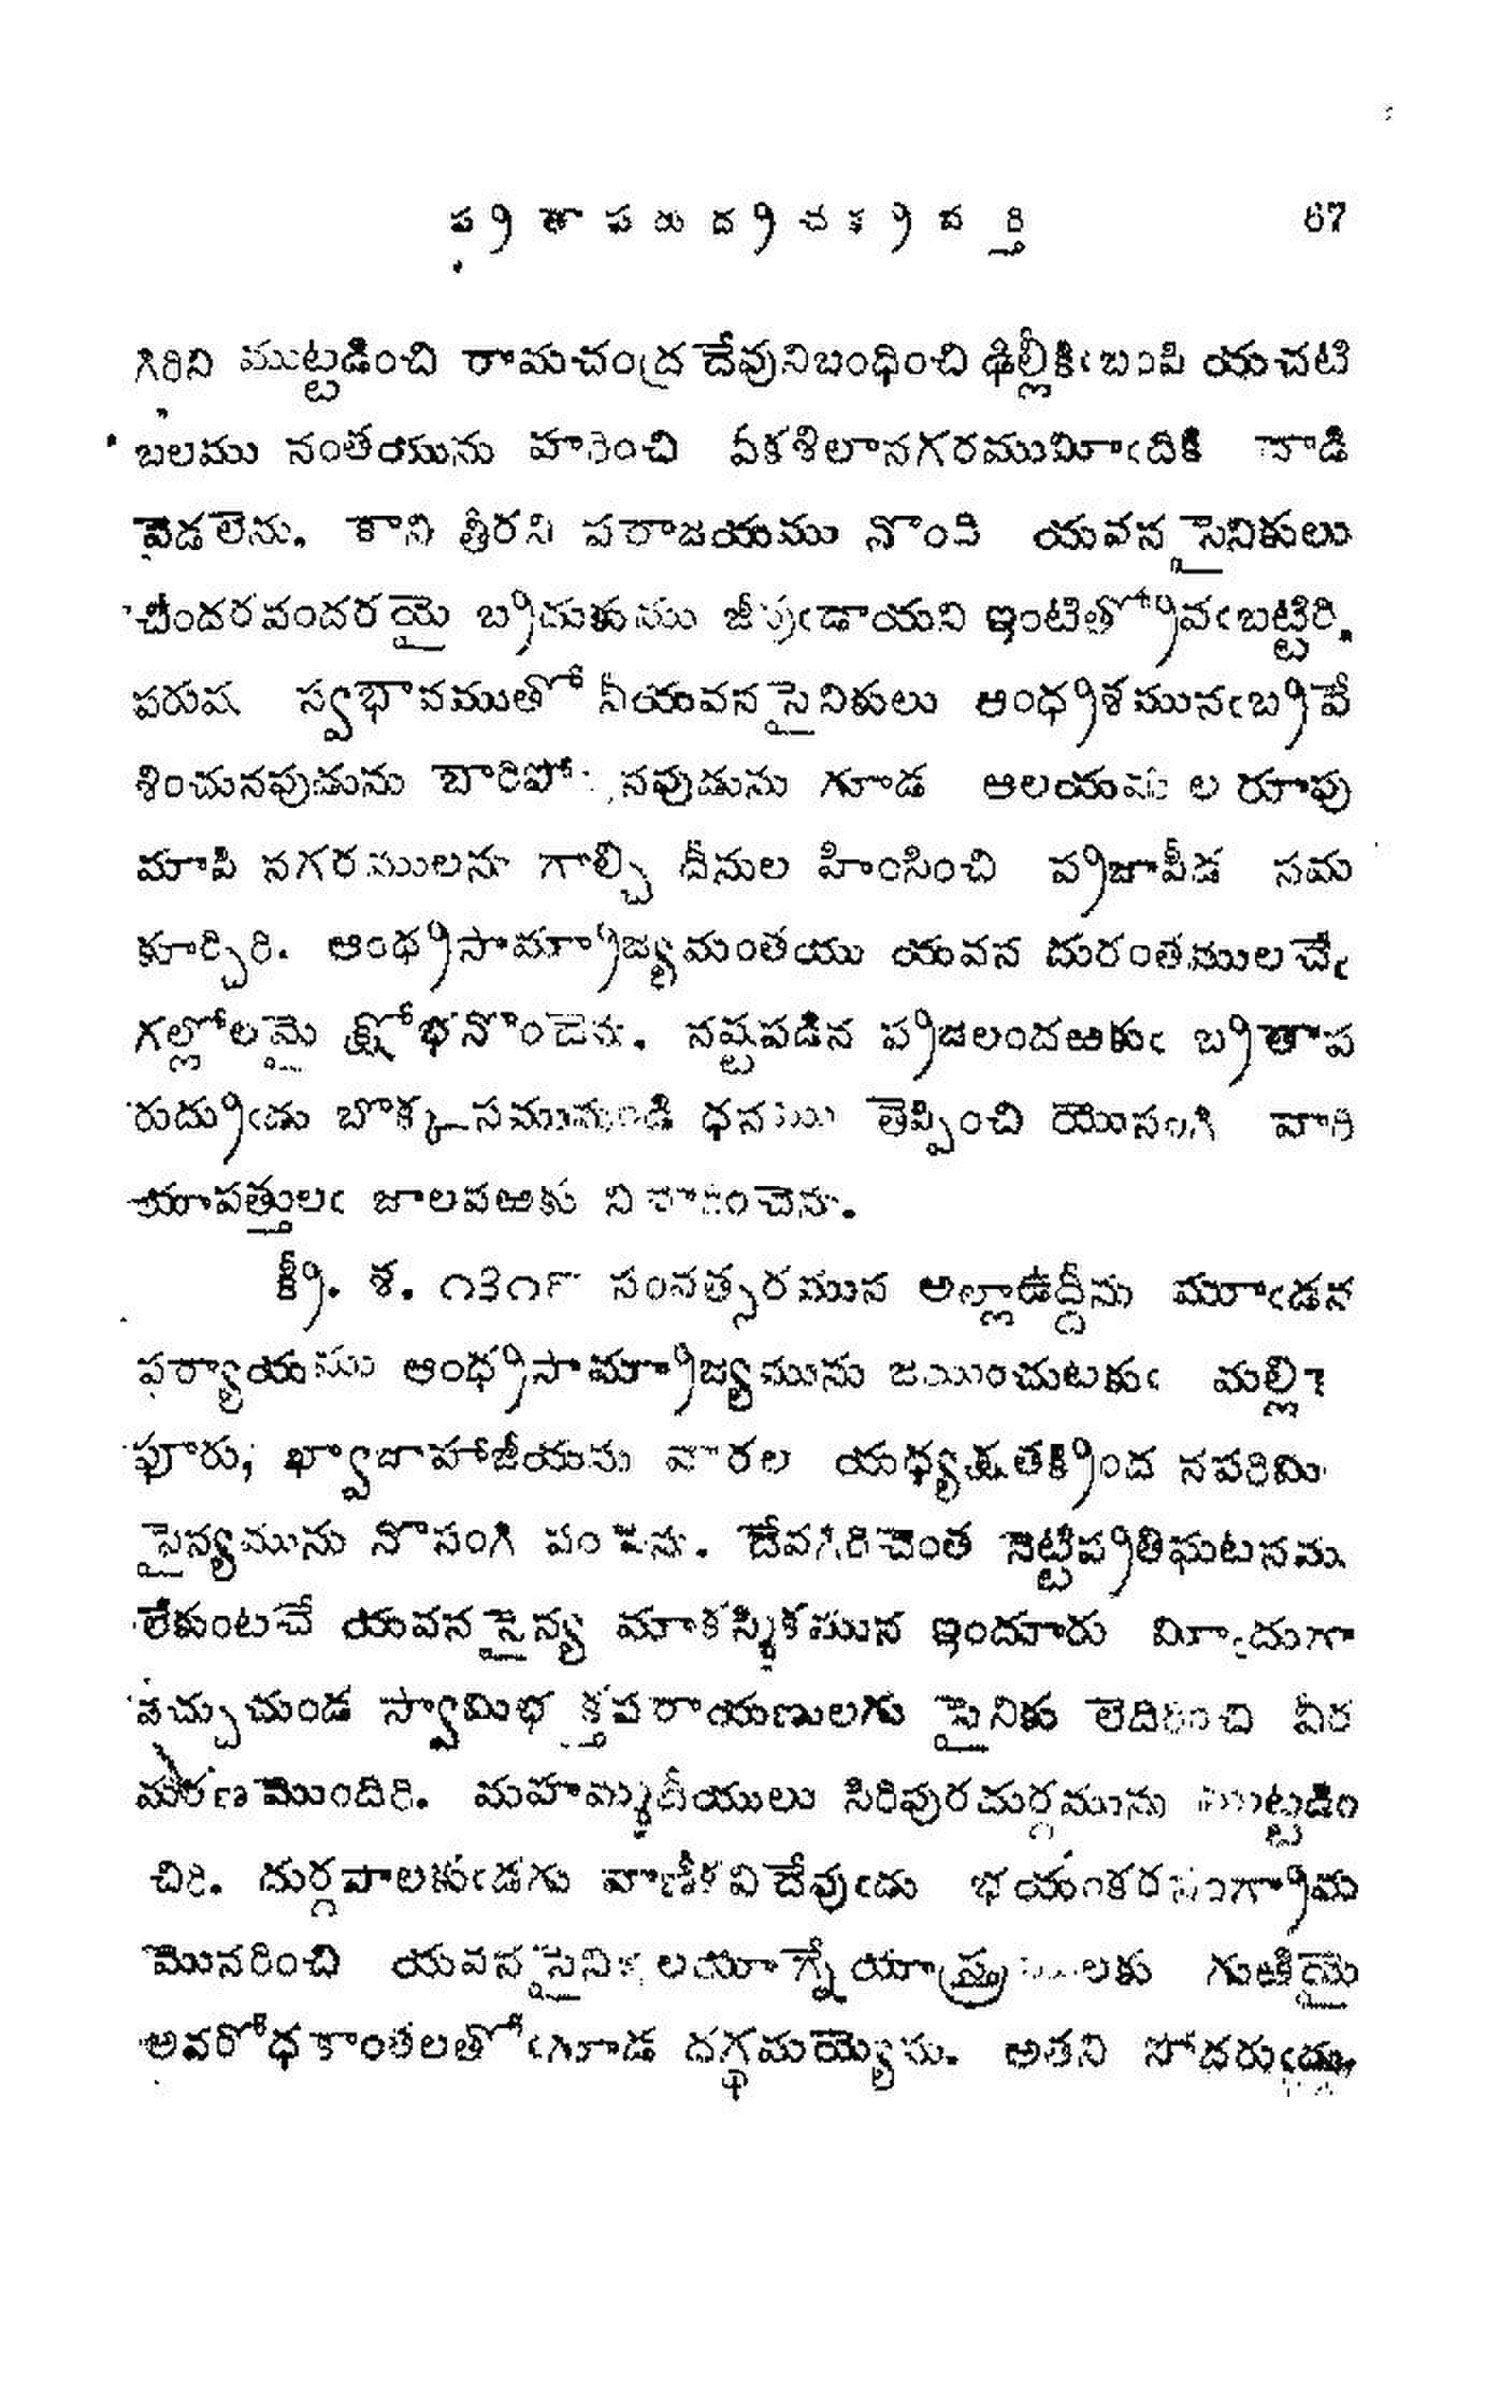గిరిని ముట్టడించి రామచంద్రదేవుని బంధించి డిల్లీకిబంపి యచటిబలము నంతయును హరించి ఏకశిలానగరముమీదికి దాడి వెడలెను. కాని తీరని పరాజయము నొంది యవనసైనికులు చిందరవందరయై బ్రదుకుము జీవుడాయని ఇంటిత్రోవబట్టిరి. పరుష స్వభావముతో నీయవనసైనికులు ఆంధ్రదేశమున బ్రవేశించినపుడును బారిపోవునపుడును. గూడ ఆలయముల రూపుమాపి నగరములను గాల్చి దీనుల హింసించి ప్రజాపీడ సమకూర్చిరి. ఆంధ్రసామ్రాజ్యమంతయు యవన దురంతములచే గల్లోలమై క్షోభనొందెను. నష్టపడిన ప్రజలందఱకు బ్రతాపరుద్రుడు బొక్కసమునుండి ధనము తెప్పించి యొసంగి వారి యాపత్తుల జాలవఱకు నివారించెను.

క్రీ.శ.1319 సంవత్సరమున అల్లాఉద్దీను మూడవ పర్యాయము ఆంధ్రసామ్రాజ్యమును జయించుటకు మల్లికాపూరు, ఖ్వాజాహాజీయను వారల యధ్యక్షతక్రింద నపరిమిత సైన్యమును నొసంగి పంపెను. దేవగిరిచెంత నెట్టిప్రతిఘటనను లేకుంటచే యవనసైన్య మాకస్మికమున ఇందూరు మీదుగా వచ్చుచుండ స్వామిభక్తపరాయణులగు సైనికు లెదిరించి వీరమరణమొందిరి. మహమ్మదీయులు సిరిపురదుర్గమును ముట్టడించిరి. దుర్గపాలకుడగు వాణీకవిదేవుడు భయంకరసంగ్రామ మొనరించి యవనసైనికుల యాగ్నేయాస్త్రములకు గుఱియై అవరోధకాంతలతో గూడ దగ్థమయ్యెను. అతని సోదరుడు